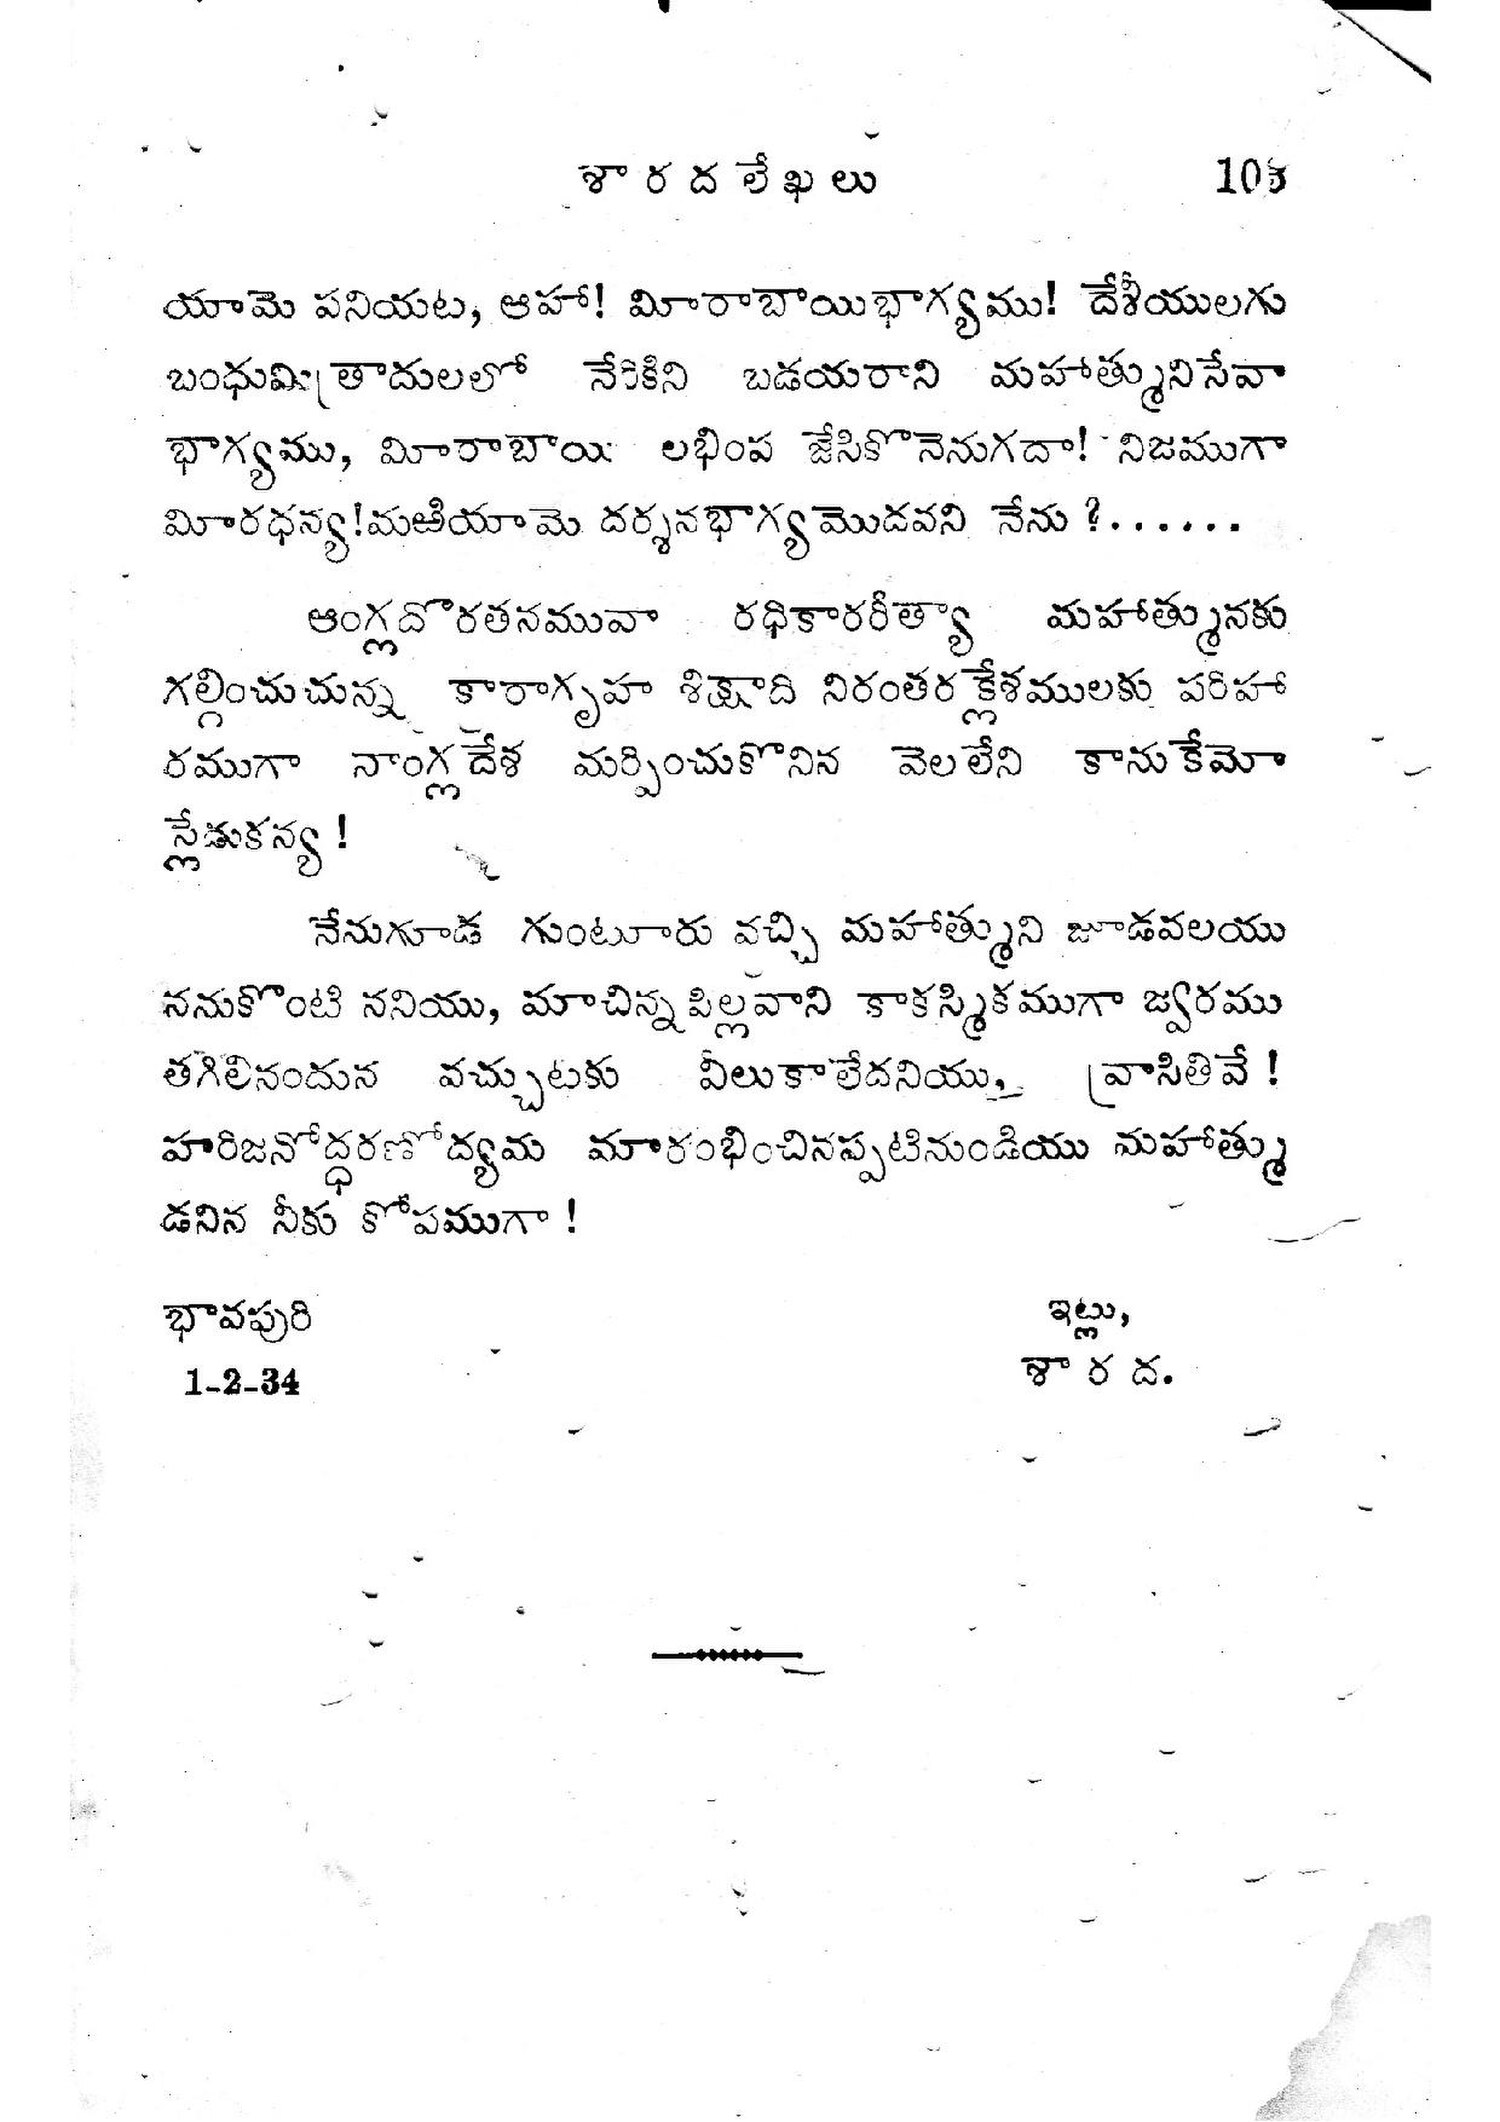యామె పనియట, ఆహా! మీరాబాయి భాగ్యము! దేశీయులగు
బంధుమిత్రాదులలో నేరికిని బడయరాని మహాత్మునిసేవా
భాగ్యము, మీరాబాయి: లభింప జేసికొనెనుగదా! నిజముగా
విూరధన్య!మఱియామె దర్శన భాగ్యమొదవని నేను?.…..

ఆంగ్లదొరతనమువారధికారరీత్యా మహాత్మునకు
గల్గించుచున్న కారాగృహ శిక్షాది నిరంతర క్లేశములకు పరిహా
రముగా నాంగ్లదేశ మర్పించుకొనిన వెలలేని కానుకేమో
స్లేడుకన్య !

నేనుగూడ గుంటూరు వచ్చి మహాత్ముని జూడవలయు
ననుకొంటి ననియు, మాచిన్నపిల్లవాని కాకస్మికముగా జ్వరము
తగిలినందున వచ్చుటకు వీలుకాలేదనియు, వ్రాసితివే !
హరిజనోద్ధరణోద్యమ మారంభించినప్పటినుండియు మహాత్ము
డనిన నీకు కోపముగా!